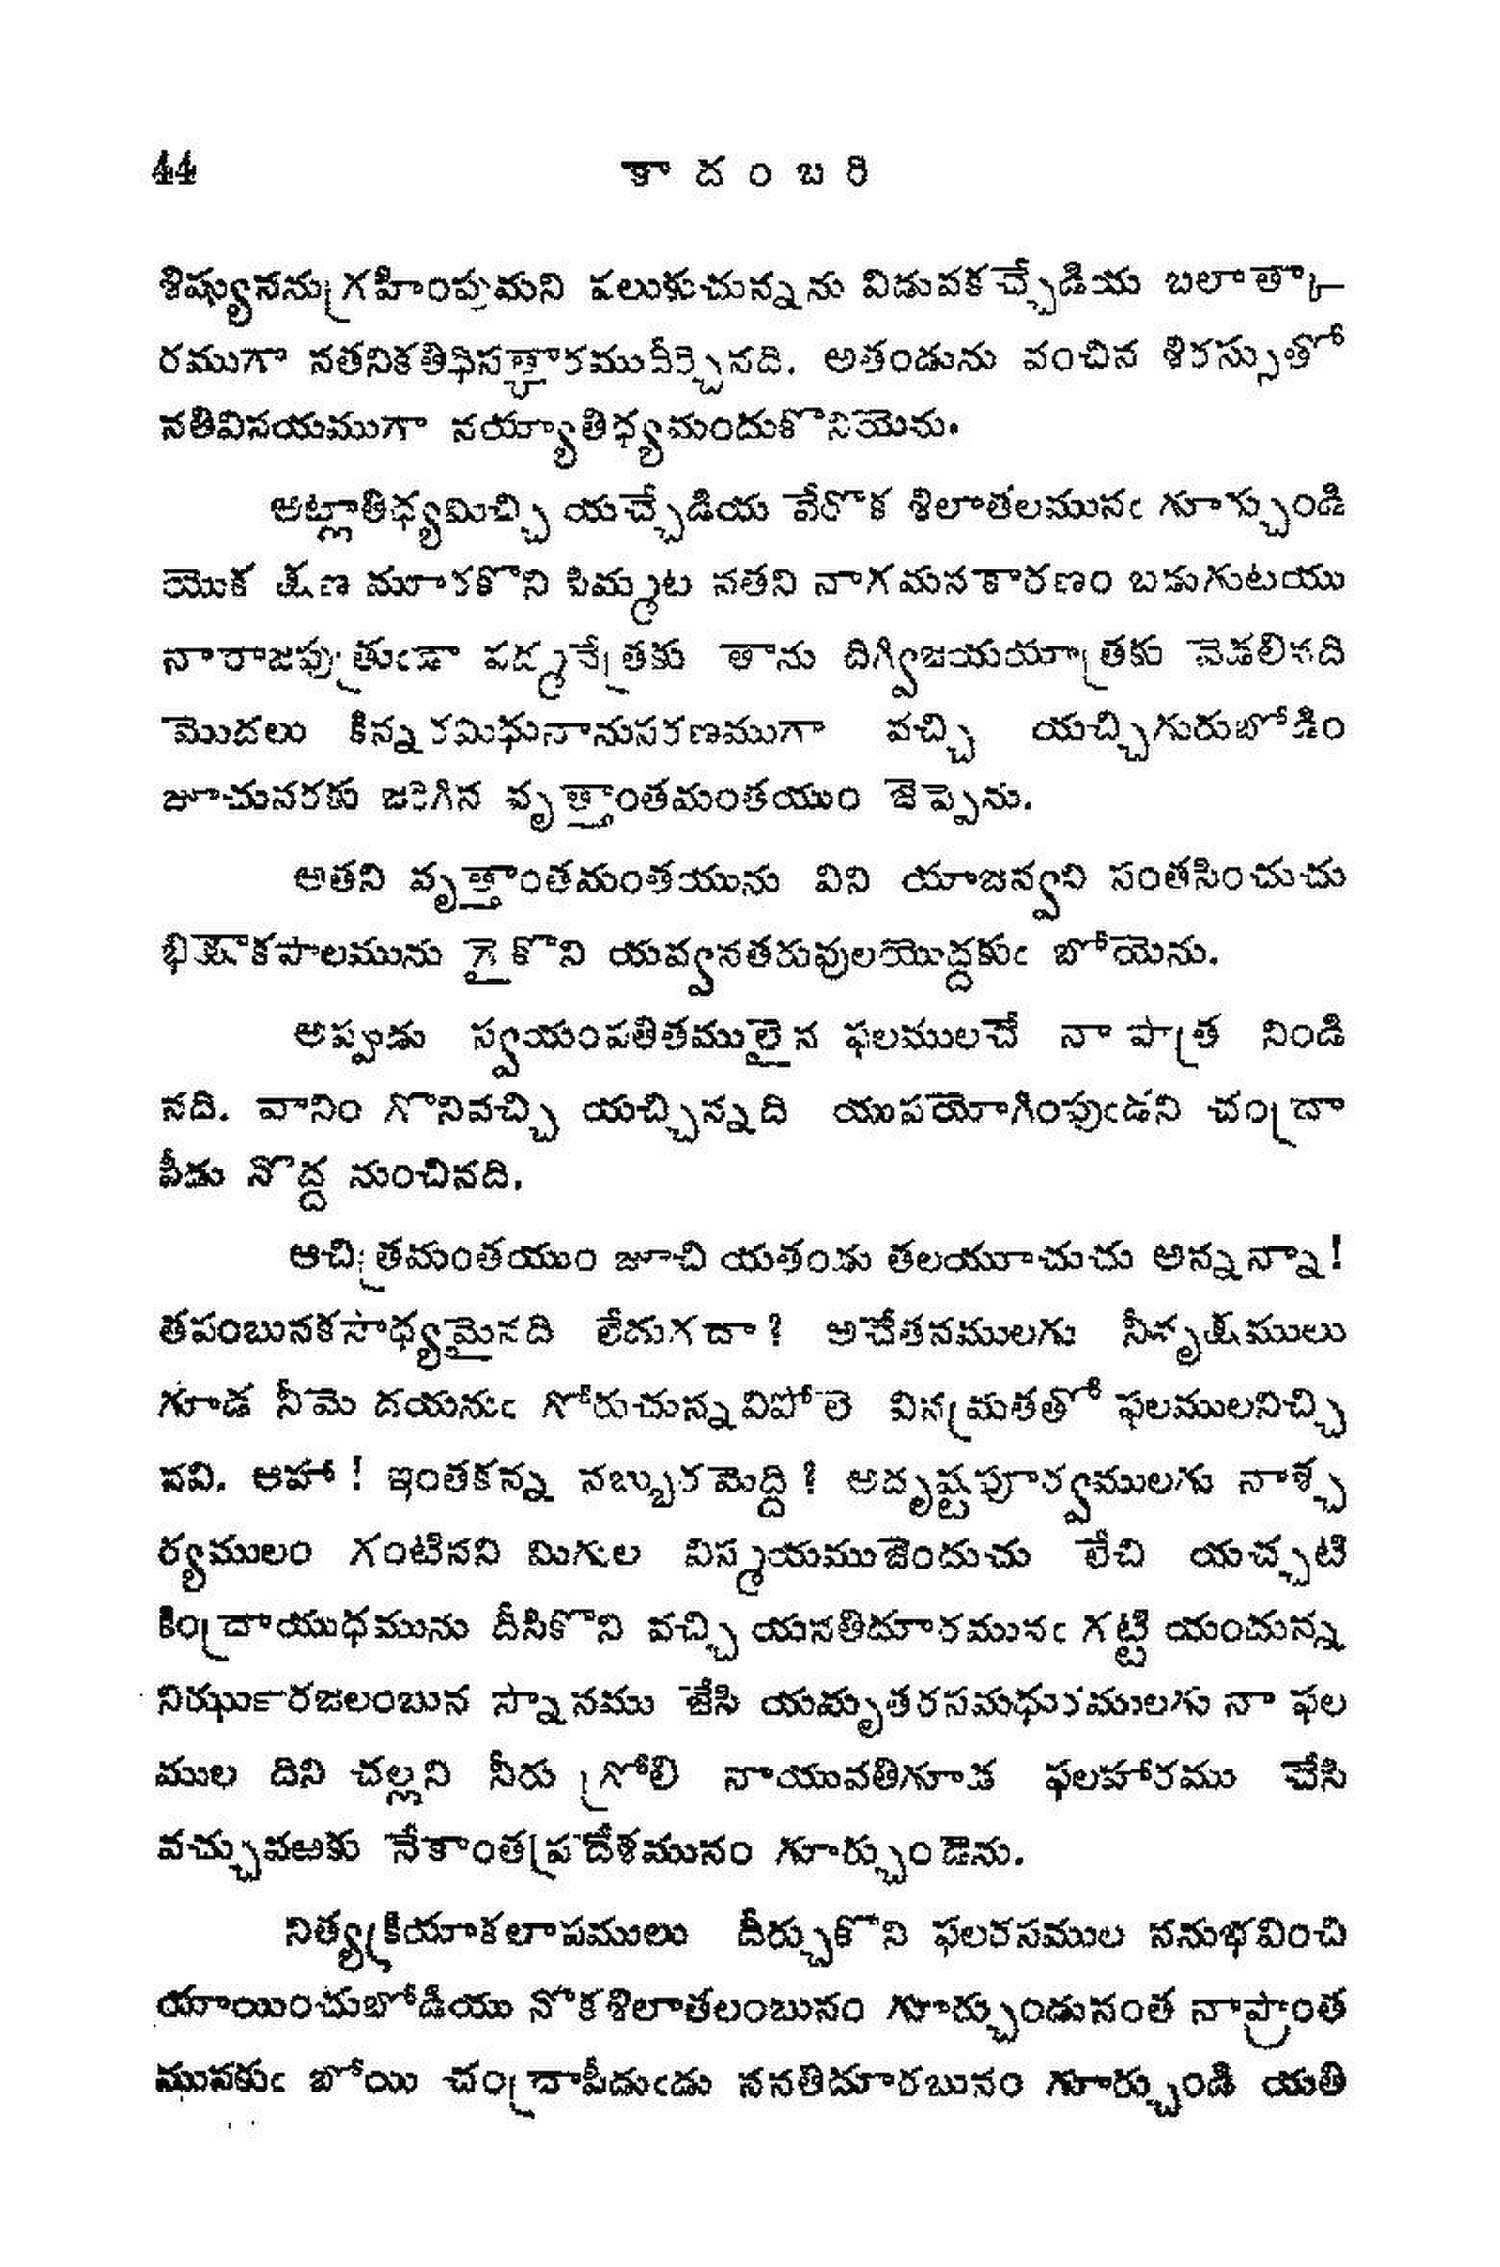శిష్యుననుగ్రహింపుమని పలుకుచున్నను విడువకచ్చేడియ బలాత్కారముగా నతనికతిధిసత్కారముదీర్చినది. అతండును వంచిన శిరస్సుతో నతివినయముగా నయ్యాతిధ్యమందుకొనియెను.

అట్లాతిధ్యమిచ్చి యచ్చేడియ వేరొక శిలాతలమునఁ గూర్చుండి యొక క్షణ మూరకొని పిమ్మట నతని నాగమనకారణం బడుగుటయు నారాజపుత్రుఁడా పద్మనేత్రకు తాను దిగ్విజయయాత్రకు వెడలినది మొదలు కిన్నరమిథునాను సరణముగా వచ్చి యచ్చిగురుబోడిం జూచువరకు జరిగిన వృత్తాంతమంతయుం జెప్పెను.

అతని వృత్తాంతమంతయును విని యాజవ్వని సంతసించుచు భిక్షాకపాలమును గైకొని యవ్వనతరువులయొద్దకుఁ బోయెను.

అప్పుడు స్వయంపతితములైన ఫలములచే నా పాత్ర నిండినది. వానిం గొనివచ్చి యచ్చిన్నది యుపయోగింపుఁడని చంద్రాపీడు నొద్ద నుంచినది.

ఆచిత్రమంతయుం జూచి యతండు తలయూచుచు అన్నన్నా! తపంబునకసాధ్యమైనది లేదుగదా? అచేతనములగు నీవృక్షములు గూడ నీమె దయనుఁ గోరుచున్నవిపోలె వినమ్రతతో ఫలములనిచ్చినవి. ఆహా! ఇంతకన్న నబ్బురమెద్ది? అదృష్టపూర్వములగు నాశ్చర్యములం గంటినని మిగుల విస్మయముజెందుచు లేచి యచ్చటి కింద్రాయుధమును దీసికొని వచ్చి యనతిదూరమునఁ గట్టి యందున్న నిఝు౯రజలంబున స్నానము జేసి యమృతరసమధురములగు నా ఫలముల దిని చల్లని నీరు గ్రోలి నాయువతిగూడ ఫలహారము చేసి వచ్చువఱకు నేకాంతప్రదేశమునం గూర్చుండెను.

నిత్యక్రియాకలాపములు దీర్చుకొని ఫలరసముల ననుభవించి యాయించుబోడియు నొకశిలాతలంబునం గూర్చుండునంత నాప్రాంతమునకుఁ బోయి చంద్రాపీడుఁడు ననతిదూరంబునం గూర్చుండి యతి